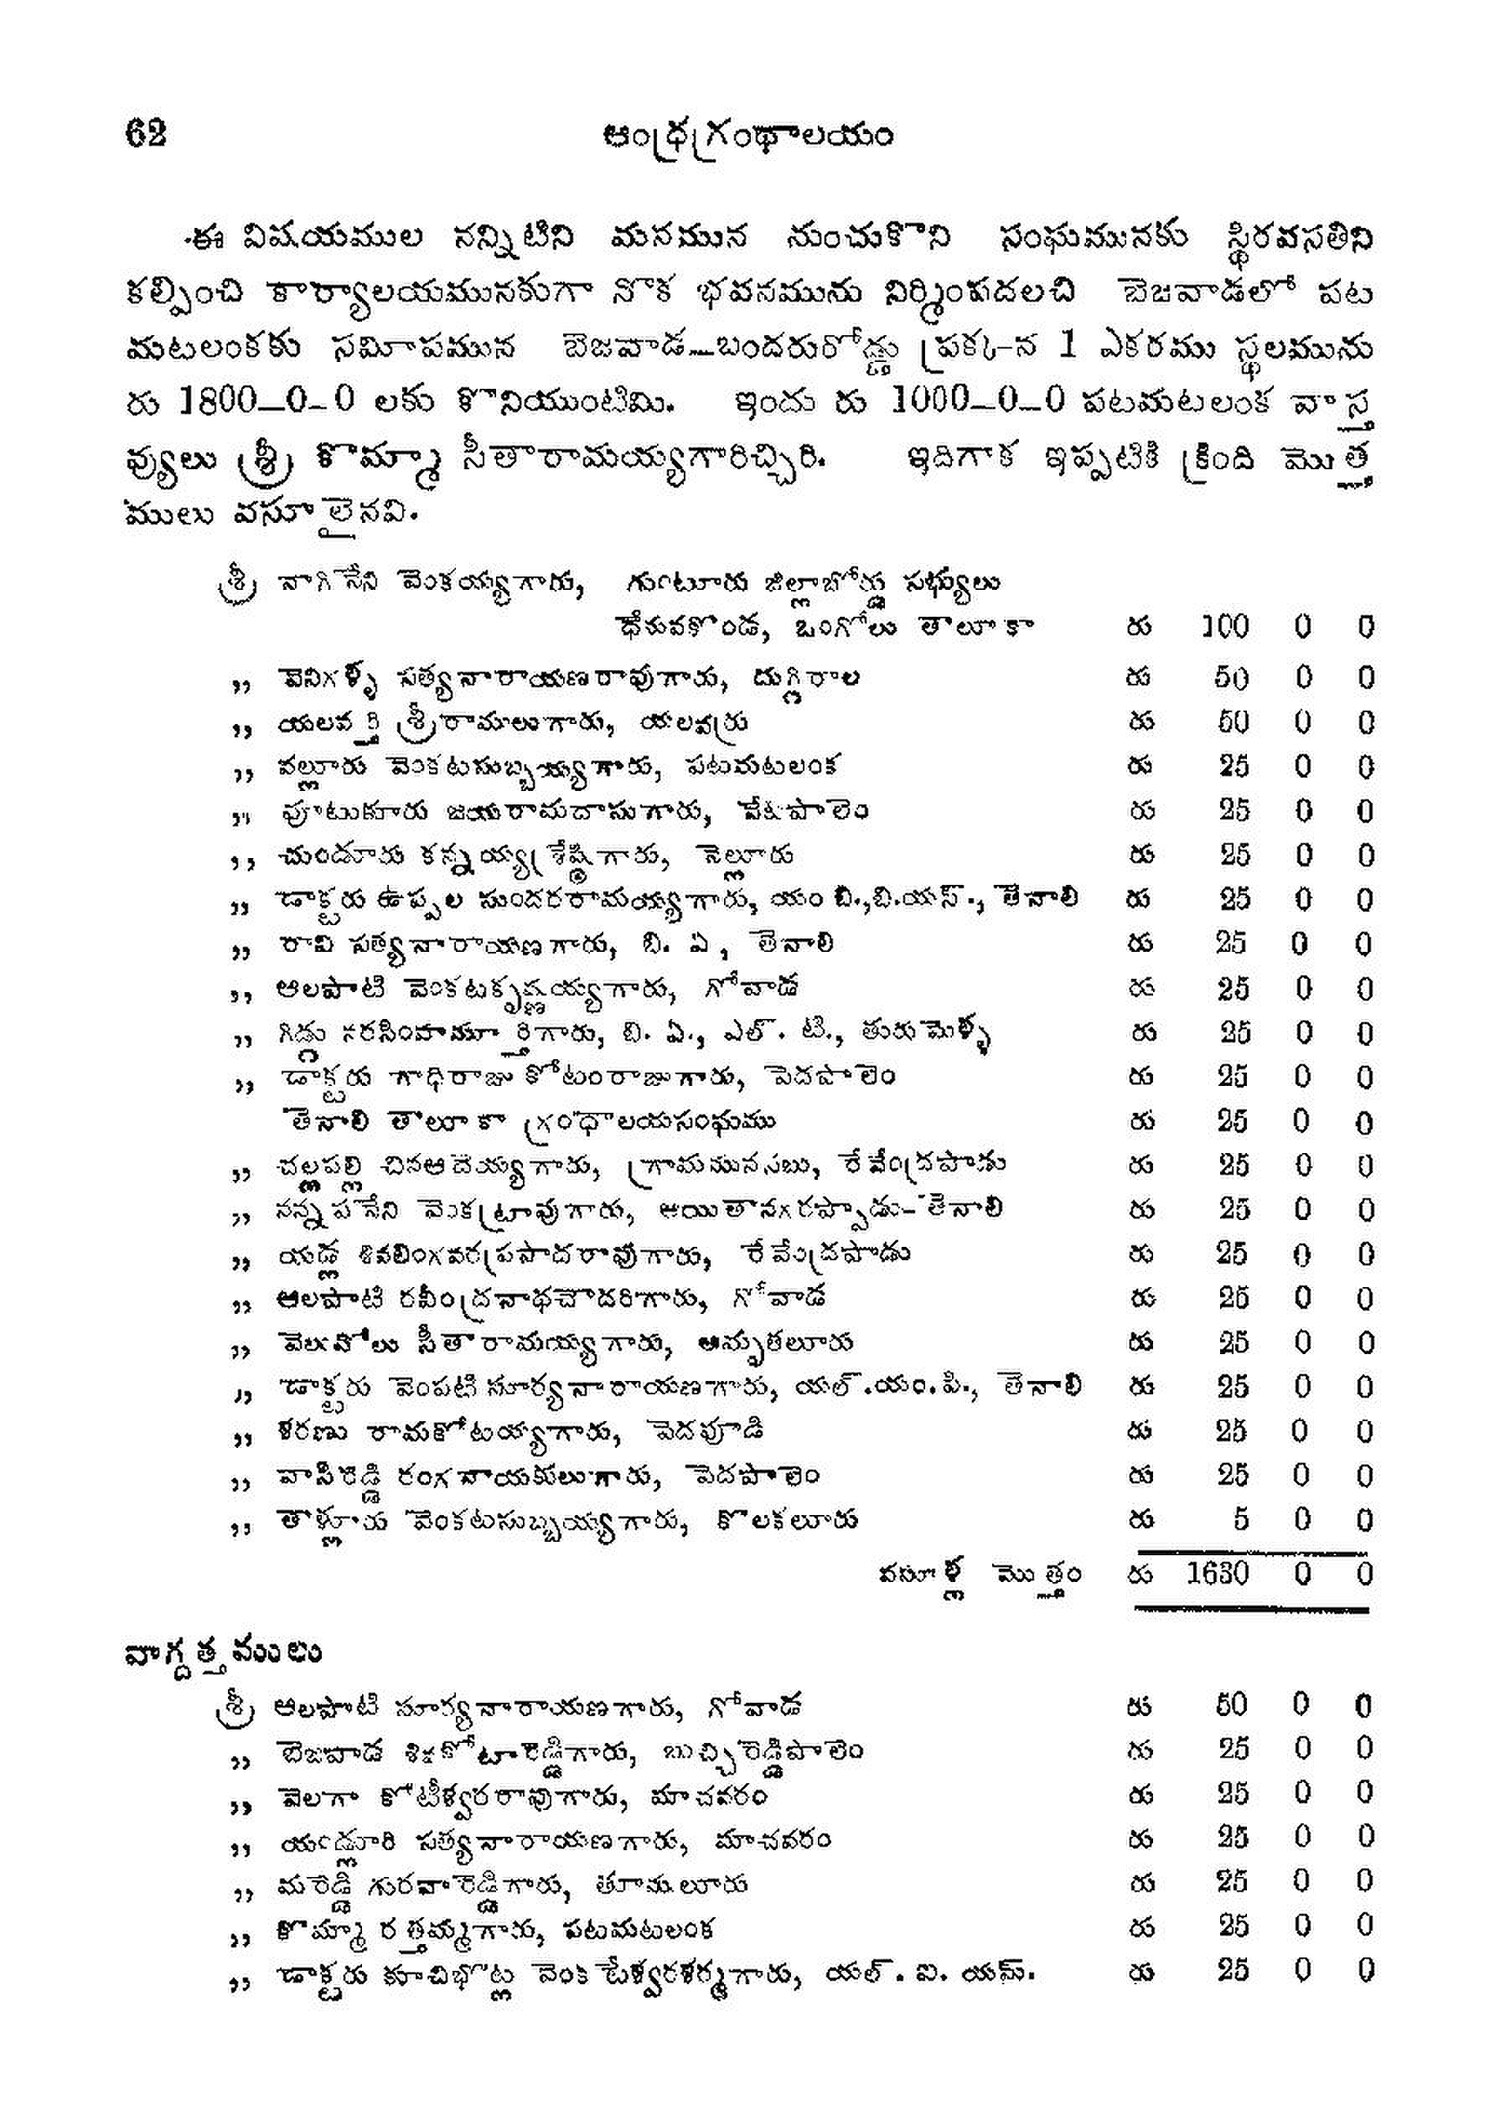ఈ విషయముల నన్నిటిని మనమున నుంచుకొని సంఘమునకు స్థిరవసతిని కల్పించి కార్యాలయమునకుగా నొక భవనమును నిర్మించదలచి బెజవాడలో పటమటలంకకు సమీపమున బెజవాడ బందరురోడ్డు ప్రక్కన 1 ఎకరము స్థలమును రు 1800_0_0 లకు కొనియుంటిమి. ఇందు రు 1000_0_0 పటమటలంక వాస్తవ్యులు శ్రీ కొమ్మా సీతారామయ్యగారిచ్చిరి. ఇదిగాక ఇప్పటికి క్రింది
మొత్తములు వసూలైనవి.